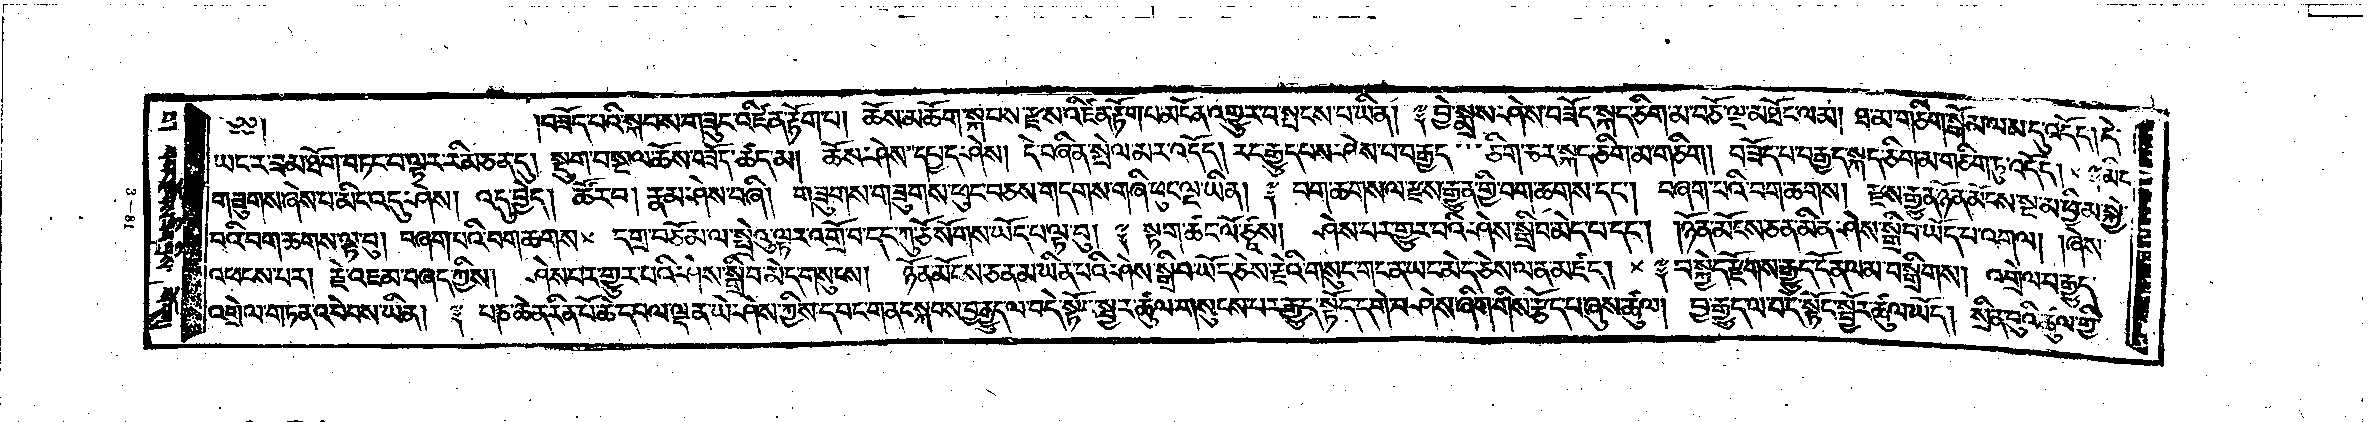༄༅། །བཟོད་པའི་སྐབས་གཟུང་འཛིན་རྟོག་པ། ཆོས་མཆོག་སྐབས་རྫས་འཛིན་རྟོག་པ་མངོན་འགྱུར་བ་སྤངས་པ་ཡིན། ༈ བྱེ་སྨྲས་ཤེས་བཟོད་སྐད་ཅིག་མ་བཅོ་ལྔ་མཐོང་ལམ། ཐ་མ་གཅིག་སྒོམ་ལམ་དུ་འདོད། དེ་
ཡང་ར་ཟམ་ཐོག་བཏང་བ་ལྟར་རིམ་ཅན་དུ། སྡུག་བསྔལ་ཆོས་བཟོད་ཚད་མ། ཆོས་ཤེས་དཔྱད་ཤེས། དེ་བཞིན་སྤེལ་མར་འདོད། རང་རྒྱུད་པས་ཤེས་པ་བརྒྱད་ཅིག་ཅར་སྐད་ཅིག་མ་གཅིག། བཟོད་པ་བརྒྱད་སྐད་ཅིག་མ་གཅིག་ཏུ་འདོད། ྾་༈ མིང་
གཟུགས་ཞེས་པ་མིང་འདུ་ཤེས། འདུ་བྱེད། ཚོར་བ། རྣམ་ཤེས་བཞི། གཟུགས་གཟུགས་ཕུང་བཅས་གདགས་གཞི་ཕུང་ལྔ་ཡིན། ༈ བག་ཆགས་ལ་རྫས་རྒྱུན་གྱི་བག་ཆགས་དང་། བཞག་པའི་བག་ཆགས། རྫས་རྒྱུན་ཉོན་མོངས་སྔ་མ་ཕྱི་མ་སྐྱེ་
པའི་བག་ཆགས་ལྟ་བུ། བཞག་པའི་བག་ཆགས་྾་དགྲ་བཅོམ་ལ་སྤྲེའུ་ལྟར་འགྲོ་བ་དང་ཀུ་ཅོ་སོགས་ཡོད་པ་ལྟ་བུ། ༈ སྟག་ཚང་ལོ་ཙཱས། ཤེས་པར་གྱུར་པའི་ཤེས་སྒྲིབ་མེད་པ་དང་། །ཉོན་མོངས་ཅན་མིན་ཤེས་སྒྲིབ་ཡོད་པ་འགལ། །ཞེས་
འཕངས་པར། རྗེ་འཇམ་བཞད་ཀྱིས། ཤེས་པར་གྱུར་པའི་ཤེས་སྒྲིབ་མེད་གསུངས། ཉོན་མོངས་ཅན་མ་ཡིན་པའི་ཤེས་སྒྲིབ་ཡོད་ཅེས་རྗེའི་གསུང་གང་ན་ཡང་མེད་ཅེས་ལན་མཛད། ྾་༈ བསྐྱེད་རྫོགས་རྒྱུད་དོན་ལམ་བསྒྲིགས། འགྲེལ་པ་རྒྱུད་
འགྲེལ་གཏན་འབེབས་ཡིན། ༈ པཎ་ཆེན་རིན་པོ་ཆེ་དཔལ་ལྡན་ཡེ་ཤེས་ཀྱིས་དབང་གནང་སྐབས་བྱ་རྒྱུད་ལ་བདེ་སྟོང་སྦྱར་ཚུལ་གསུངས་པར་རྒྱུད་སྟོད་དགེ་བཤེས་ཞིག་གིས་རྩོད་པ་ཞུས་ཚུལ། བྱ་རྒྱུད་ལ་བདེ་སྟོང་སྦྱོར་ཚུལ་ཡོད། སྲིན་བུའི་ཚུལ་གྱི་